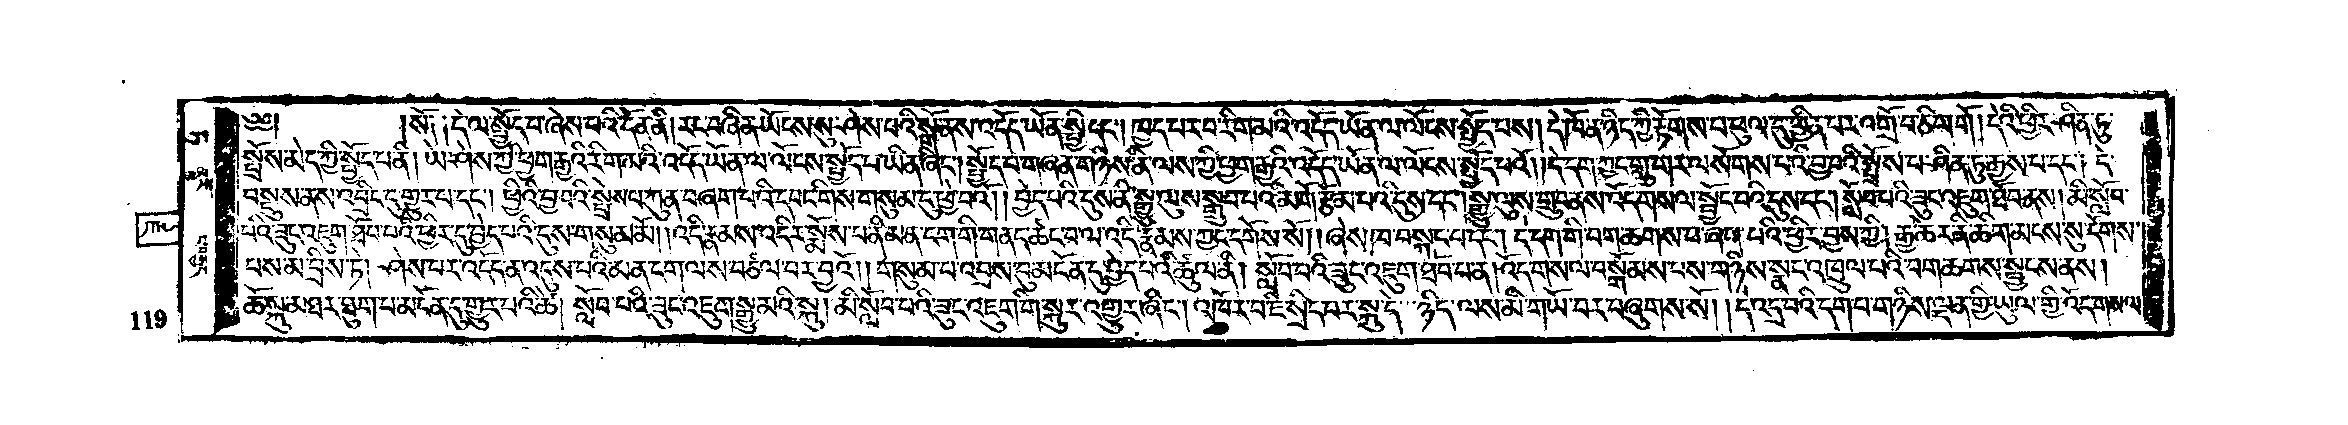༄༅། །སོ། །དེ་ལ་སྤྱོད་པ་ཞེས་པའི་དོན་ནི། རང་བཞིན་ཡོངས་སུ་ཤེས་པའི་སྒོ་ནས་འདོད་ཡོན་སྤྱི་དང་། ཁྱད་པར་བ་རིག་མའི་འདོད་ཡོན་ལ་ལོངས་སྤྱོད་པས། དེ་ཁོ་ན་ཉིད་ཀྱི་རྟོགས་པ་ཕུལ་དུ་ཕྱིན་པར་འགྲོ་བ་ཅིག་གོ། དེའི་ཕྱིར་ཤིན་ཏུ་
སྤྲོས་མེད་ཀྱི་སྤྱོད་པ་ནི། ཡེ་ཤེས་ཀྱི་ཕྱག་རྒྱའི་རིག་མའི་འདོད་ཡོན་ལ་ལོངས་སྤྱོད་པ་ཡིན་ཞིང་། སྤྱོད་པ་གཞན་གཉིས་ནི་ལས་ཀྱི་ཕྱག་རྒྱའི་འདོད་ཡོན་ལ་ལོངས་སྤྱོད་པའོ། །དེ་དག་ཀྱང་གླུ་གར་ལ་སོགས་པའི་བྱ་བའི་སྤྲོས་པ་ཤིན་ཏུ་རྒྱས་པ་དང་། དེ་
བསྡུས་ནས་འབྲིང་དུ་གྱུར་པ་དང་། ཕྱིའི་བྱ་བའི་སྤྲོས་པ་ཀུན་བཞག་པའི་དབང་གིས་གསུམ་དུ་ཕྱེ་བའོ། །བྱེད་པའི་དུས་ནི་སྒྱུ་ལུས་སྒྲུབ་པའི་མགོ་རྩོམ་པའི་དུས་དང་། སྒྱུ་ལུས་གྲུབ་ནས་འོད་གསལ་སྦྱོང་བའི་དུས་དང་། སློབ་པའི་ཟུང་འཇུག་ཐོབ་ནས། མི་སློབ་
པའི་ཟུང་འཇུག་ཐོབ་པའི་ཕྱིར་དུ་བྱེད་པའི་དུས་གསུམ་མོ། །འདི་རྣམས་འདིར་སྨོས་པ་ནི་མན་ངག་གི་གནད་ཚང་བ་ལ་འདི་རྣམས་ཀྱང་དགོས་སོ། །ཞེས་ཁ་བསྐང་པ་དང་། དེ་དག་གི་བག་ཆགས་བཞག་པའི་ཕྱིར་བྱས་ཀྱི། རྒྱ་ཆེར་ནི་ཚིག་མངས་སུ་དོགས་
པས་མ་བྲིས་ཏེ། ཤེས་པར་འདོད་ན་འདུས་པའི་མན་ངག་ལས་བཙལ་བར་བྱའོ། །གསུམ་པ་འབྲས་བུ་མངོན་དུ་བྱེད་པའི་ཚུལ་ནི། སློབ་པའི་ཟུང་འཇུག་ཐོབ་པ་ན། འོད་གསལ་བསྒོམས་པས་གཉིས་སྣང་འཁྲུལ་པའི་བག་ཆགས་སྦྱངས་ནས།
ཆོ་སྐུ་མཐར་ཐུག་པ་མངོན་དུ་གྱུར་པའི་ཚེ། སློབ་པའི་ཟུང་འཇུག་སྒྱུ་མའི་སྐུ། མི་སློབ་པའི་ཟུང་འཇུག་གི་སྐུར་འགྱུར་ཞིང་། འཁོར་བ་ཇི་སྲིད་བར་སྐུ་དེ་ཉིད་ལས་མི་གཡོ་བར་བཞུགས་སོ། །དེ་འདྲ་བའི་དག་པ་གཉིས་ལྡན་གྱི་ཡུལ་གྱི་འོད་གསལ་